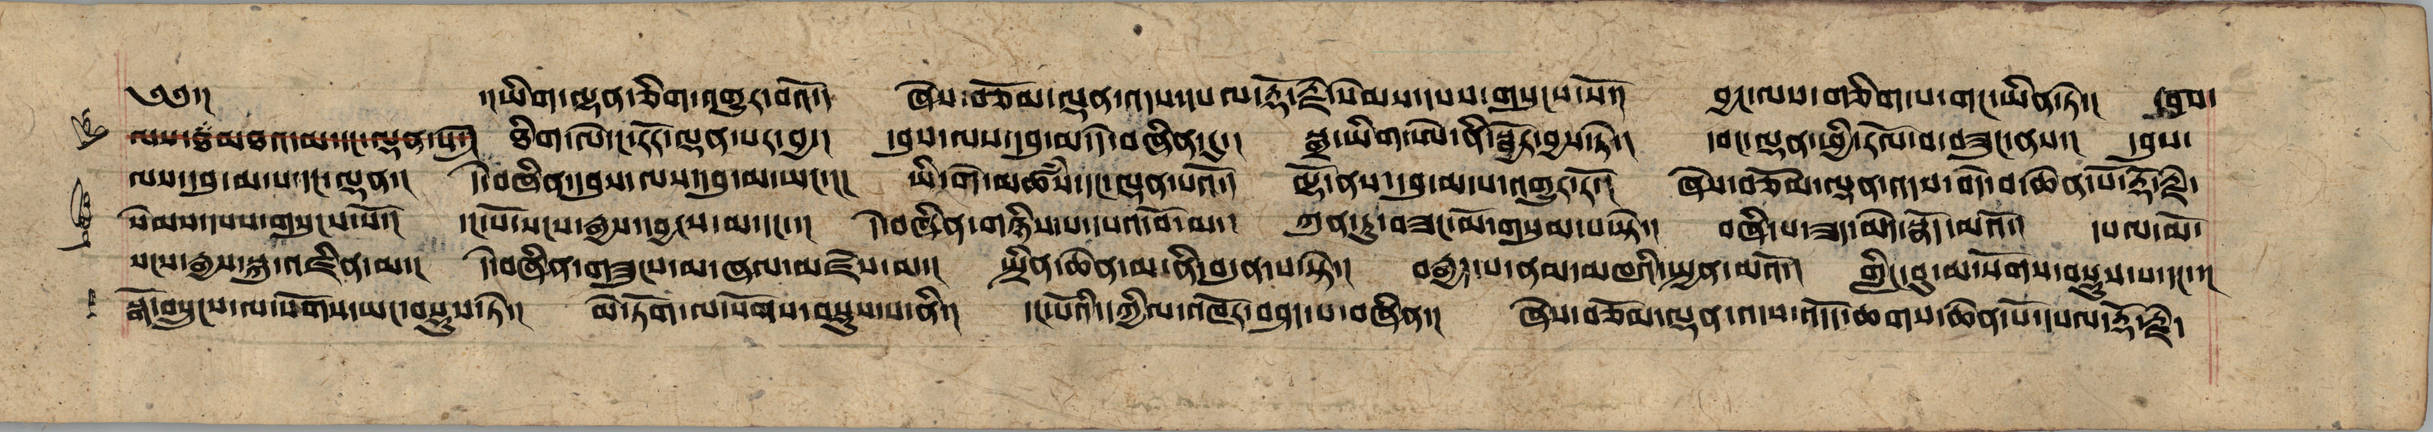༄༅་། ་།ཡིག་ལྷན་ཅིག་འགྱུར་བའོ་། ཞེས་བཅོམ་ལྡན་འདས་དཔལ་རྡོ་རྗེ་སེམས་དཔས་གསུངས་སོ་། བྱང་ལས་གཅིག་པ་གང་ཡིན་ཏེ་། དབུས་
ལས་ཐམཐའ་མ་དང་ལྡན་པ་། ཐིག་ལེ་ང་རོར་ལྡན་པར་བྱ་། དབུས་ལས་དབུ་མ་དེ་བཞིན་དུ་། སྒྲ་ཡིག་ཨེ་ནི་སྦྱོར་བྱས་ཏེ་། དབང་ལྡན་ཕྱི་རོལ་བ་བཟུང་ནས་། དབུས་
ལས་དབུ་མ་པ་དང་ལྡན་། དེ་བཞིན་དབུས་ལས་དབུ་མ་ཡང་།།། ཡི་གེ་མཚཾས་དང་ལྡན་པའོ་། ལྷོ་ནས་དབུ་མ་པ་འགྱུར་རོ་། ཞེས་བཅོམ་ལྡན་འདས་བདེ་བ་ཆེན་པོ་རྡོ་རྗེ་
སེམས་དཔས་གསུངས་སོ་། དང་པོ་སངས་རྒྱས་དབྱངས་མ་དང་་། དེ་བཞིན་གཉིས་པ་དཔའ་བོ་མ་། ཀུན་ཏུ་བཟང་མོ་གསུམ་པ་སྟེ་། བཞི་པ་ཟད་མེད་སྣོད་མའོ་། དཔལ་མོ་
སངས་རྒྱས་སྐུ་འཛིན་མ་། དེ་བཞིན་གཟུངས་མ་ཞལ་མཛེས་མ་། སྤྲིན་ཆེན་མ་ནི་བདུན་པ་སྟེ་། བརྒྱད་པ་ནམ་མཁའི་སྤྱན་མའོ་། གླིང་བུ་མ་སོགས་བསྡུས་པ་དང་་།
སྒོ་བསྲུངས་ལ་སོགས་ཡང་བསྡུས་ཏེ་། མེ་ཏོག་ལ་སོགས་བསྡུས་པ་ནི་། དང་པོའི་དཀྱིལ་འཁོར་བཤད་པ་བཞིན་། ཞེས་བཅོམ་ལྡན་འདས་འདོད་ཆགས་ཆེན་པོ་དཔལ་རྡོ་རྗེ་